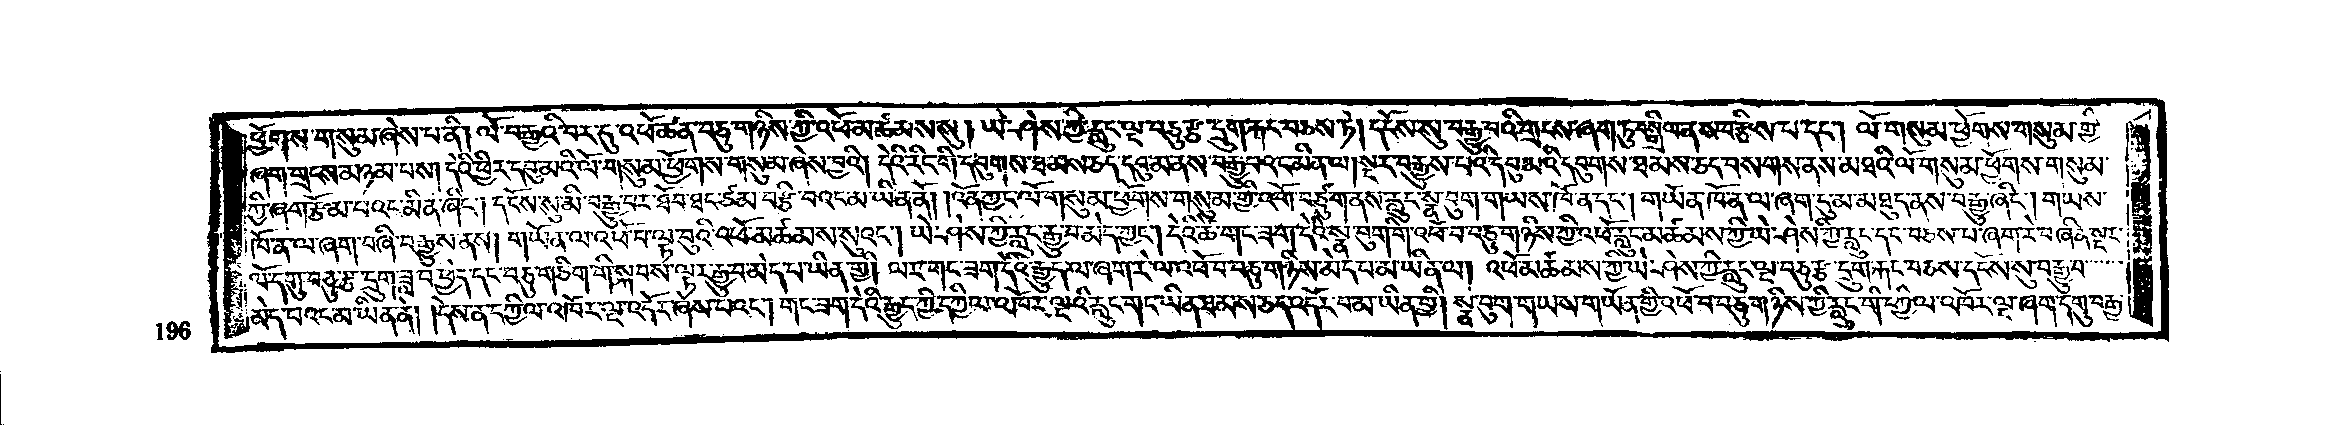ཕྱོགས་གསུམ་ཞེས་པ་ནི། ལོ་བརྒྱའི་བར་དུ་འཕོ་ཚན་བཅུ་གཉིས་ཀྱི་འཕོ་མཚམས་སུ། ཡེ་ཤེས་ཀྱི་རླུང་ལྔ་བཅུ་རྩ་དྲུག་རྐང་བཅས་ཏེ། དངོས་སུ་བརྒྱུ་བའི་གྲངས་ཞག་ཏུ་བསྒྲིལ་ནས་བརྩིས་པ་དང་། ལོ་གསུམ་ཕྱོགས་གསུམ་གྱི་
ཞག་གྲངས་མཉམ་པས། དེའི་ཕྱིར་དབུ་མའི་ལོ་གསུམ་ཕྱོགས་གསུམ་ཞེས་བྱའི། དེའི་རིང་གི་དབུགས་ཐམས་ཅད་དབུ་མ་ནས་བརྒྱུ་བའང་མིན་ལ། སྔར་བརྒྱུས་པའི་དབུ་མའི་དབུགས་ཐམས་ཅད་བསགས་ནས་མཐའི་ལོ་གསུམ་ཕྱོགས་གསུམ་
ཀྱི་ཞག་རྩོམ་པའང་མིན་ཞིང་། དངོས་སུ་མི་བརྒྱུ་པར་ཐོབ་ཐང་ཙམ་བརྩི་བའང་མ་ཡིན་ནོ། །འོན་ཀྱང་ལོ་གསུམ་ཕྱོགས་གསུམ་གྱི་འགོ་བཙུག་ནས་རླུང་སྣ་བུག་གཡས་ཁོ་ན་དང་། གཡོན་ཁོ་ན་ལ་ཞག་དུ་མ་མཐུད་ནས་བརྒྱུ་ཞིང་། གཡས་
ཁོ་ན་ལ་ཞག་བཞི་བརྒྱུས་ནས། གཡོན་ལ་འཕོ་བ་ལྟ་བུའི་འཕོ་མཚམས་སུའང་། ཡེ་ཤེས་ཀྱི་རླུང་རྒྱུ་བ་མེད་ཀྱང་། དེའི་ཚེ་གང་ཟག་དེའི་སྣ་བུག་གི་འཕོ་བ་བཅུ་གཉིས་ཀྱི་འཕོ་རླུང་མཚམས་ཀྱི་ཡེ་ཤེས་ཀྱི་རླུང་དང་བཅས་པ་ཞག་རེ་བཞིན་སྔར་
ལོ་དགུ་བཅུ་རྩ་དྲུག་ཟླ་བ་ཕྱེད་དང་བཅུ་གཅིག་གི་སྐབས་ལྟར་རྒྱུ་བ་མེད་པ་ཡིན་གྱི། ལར་གང་ཟག་དེའི་རྒྱུད་ལ་ཞག་རེ་ལ་འཕོ་བ་བཅུ་གཉིས་མེད་པ་མ་ཡིན་ལ། འཕོ་མཚམས་ཀྱི་ཡེ་ཤེས་ཀྱི་རླུང་ལྔ་བཅུ་རྩ་དྲུག་རྐང་བཅས་དངོས་སུ་བརྒྱུ་བ་
མེད་པའང་མ་ཡིན་ནོ། །དེས་ན་དཀྱིལ་འཁོར་ལྔ་འདོར་ཞེས་པའང་། གང་ཟག་དེའི་རྒྱུད་ཀྱི་དཀྱིལ་འཁོར་ལྔའི་རླུང་གང་ཡིན་ཐམས་ཅད་འདོར་བ་མ་ཡིན་གྱི། སྣ་བུག་གཡས་གཡོན་གྱི་འཕོ་བ་བཅུ་གཉིས་ཀྱི་རླུང་གི་དཀྱིལ་འཁོར་ལྔ་ཞག་དགུ་བརྒྱ་